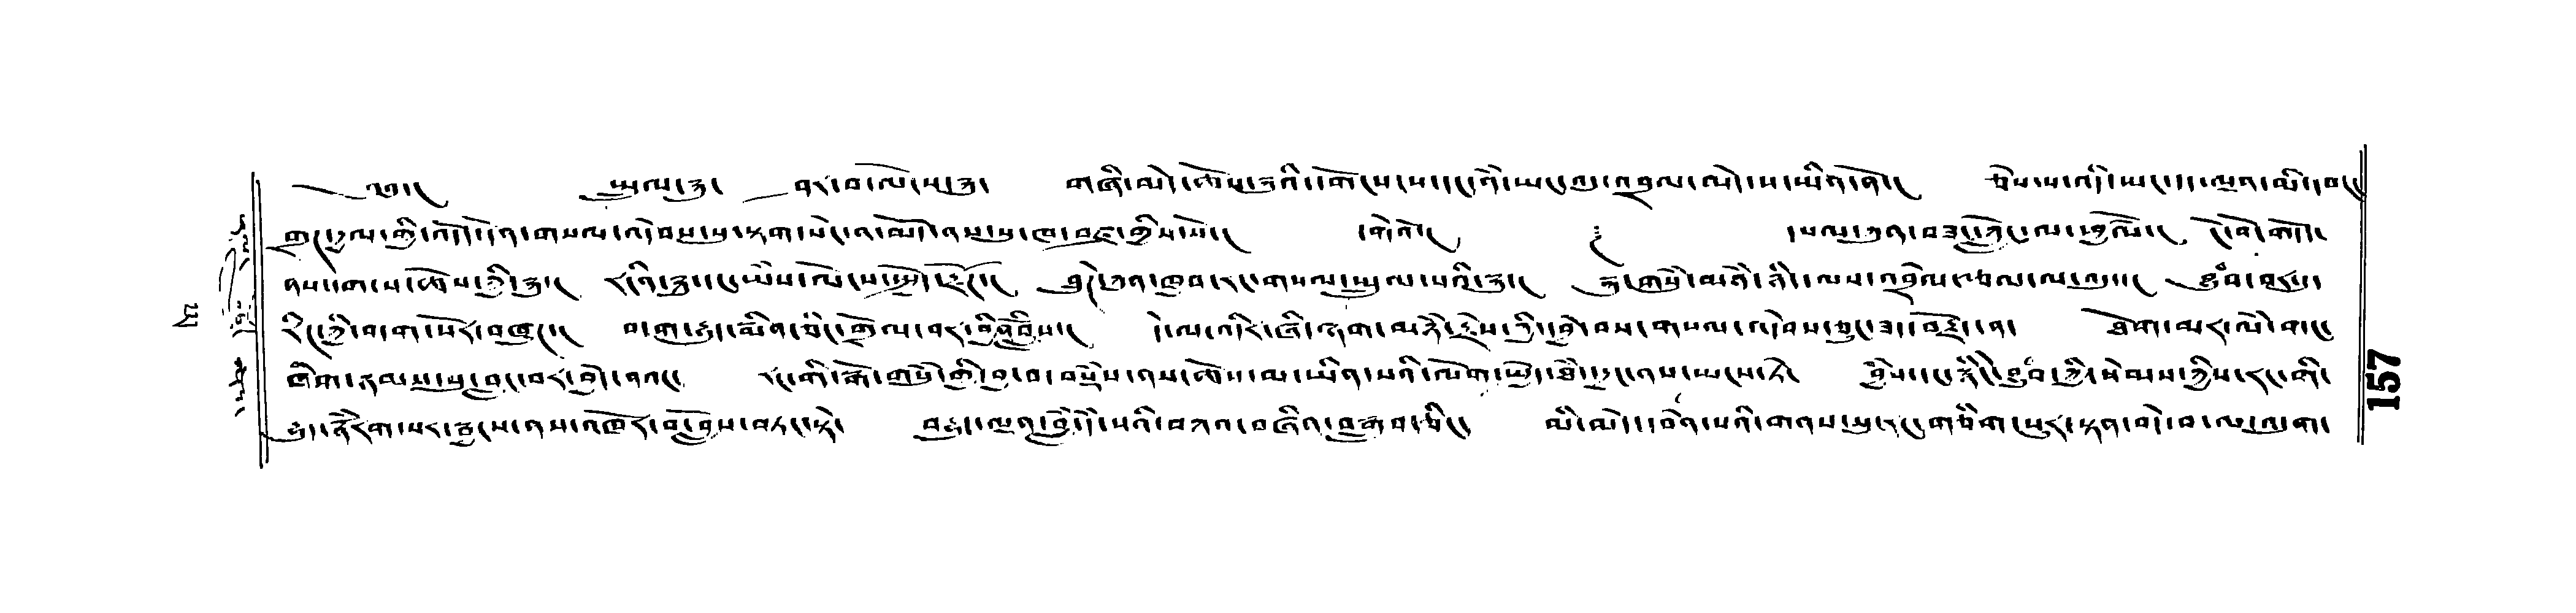སྤྲུལ་སྐུ། ཤར་བ་ལོངས་སྐུ། གཞི་མེད་ཆོས་སྐུའི་དགོངས་པ་དང་ནམ་ཡང་འདུ་འབྲལ་མེད་པ་ཡིན་ནོ།། ཅེས་པ་འདི་ཡང་དད་ལྡན་མི་དབང་
གྲགས་རྒྱལ་གྱི་འདོད་དོན་གསལ་འདེབས་སུ་སྟག་སེང་ནགས་མདོ་ནས་སུ་ཁ་བཛྲ་གྱིས་སོ།། དགེའོ།། ༈ དཔལ་ཀུན་བཟང་ཀློང་ལ་ཕྱག་འཚལ་ལོ། །ངོ་བོ་གདོད་
ནས་དག་པ་ཆོས་ཀྱི་སྐུ། །རང་བཞིན་སྐུ་དང་ཡེ་ཤེས་ལོངས་སྤྱོད་རྫོགས། །ཐུགས་རྗེ་ཀུན་ཁྱབ་རང་གསལ་སྤྲུལ་པའི་སྐུ། །སྐུ་གསུམ་མཉམ་ཉིད་ལས་འབྲེལ་རྩལ་ལ་འདུད། །བྱང་ཆུབ་བར་
དུ་རིགས་ཀྱི་བདག་པོར་བཞུགས། །བདག་རྒྱུད་སྨིན་ཅིང་གྲོལ་བར་བྱིན་གྱིས་རློབས། །དེ་ལ་འདིར་ཞི་ལྷག་མཉམ་རྗེས་ཀྱི་དབྱེ་བས་གསལ་འདེབས་ཅུང་ཟད་བརྗོད་ན།ཐོག་མར་ལམ་གང་
ཞིག་ཉམས་སུ་བླང་བར་བྱེད་ནའང་། རང་གི་སྒོ་གསུམ་གི་བྱ་བ་བསྡམས་ནས་ཆོས་མ་ཡིན་པའི་ལོག་སྤྱོད་ཐམས་ཅད་རྒྱང་དུ་སྤངས་ཏེ། བྱམས་དང་སྙིང་རྗེ་བྱང་ཆུབ་ཀྱི་སེམས་ཀྱིས་རང་གི་
རྒྱུད་རྣམ་པར་དག་པར་སྦྱངས་ནས་འཁོར་བ་བློས་བཏང་སྟེ། བརྒྱུད་ལྡན་བླ་མ་དམ་པའི་བཀའ་བཞིན་བསྒྲུབ་ཅིང་། མི་མེད་དབེན་པའི་གནས་སུ་རང་གཅིག་པུར་སྟན་བདེ་བ་ལ་འདུག་